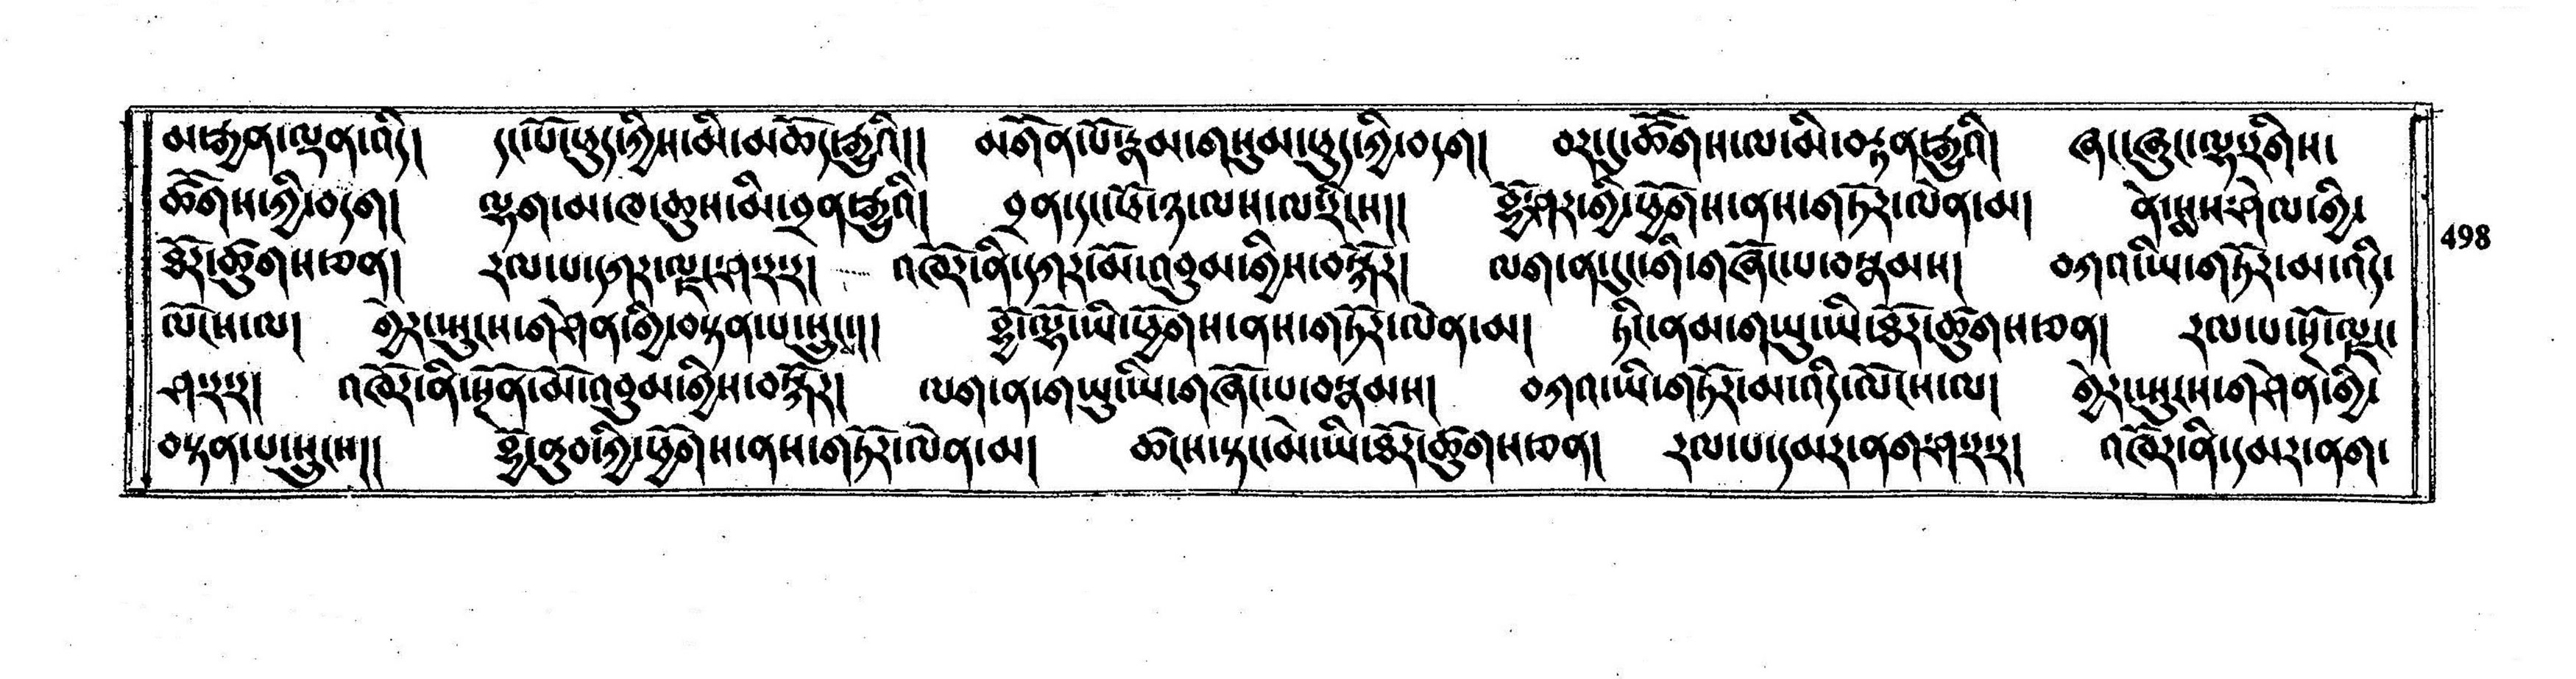མ་རྒྱན་ལྡན་འདི། དང་པོ་ཕུད་ཀྱིས་མི་མཆོད་རྒྱུའི།། མགོན་པོ་རྣམ་གསུམ་ཕུད་ཀྱི་བདག བར་དུ་ཚོགས་ལ་མི་བརྟེན་རྒྱུའི། ཞང་ཞུང་ལྷ་རིགས་
ཚོགས་ཀྱི་བདག ལྷག་མ་ཁ་ཆུས་མི་བྲན་རྒྱུའི། བྲན་དང་ཕོ་ཉ་ལས་ལ་རིངས།། བྷྱོ་ཤར་གྱི་ཕྱོགས་ནས་གཏོར་ལེན་{512}མ། ནེ་སླས་ཤེལ་གྱི་
ཐོར་ཚུགས་ཅན། རལ་པ་དཀར་ལྗང་ཤ་ར་ར། འཁོར་ནི་དཀར་མོ་འབུམ་གྱིས་བསྐོར། ལག་ན་དུང་གི་གཞོང་པ་བསྣམས། བཀའ་ཡི་གཏོར་མ་འདི་
ལོངས་ལ། གྱེར་སྤུངས་གཤེན་གྱི་བསྟན་པ་སྲུང་།། བྷྱོ་ལྷོ་ཡི་ཕྱོགས་ནས་གཏོར་ལེན་མ། ཏིང་ནམ་གཡུ་ཡི་ཐོར་ཚུགས་ཅན། རལ་པ་སྔོ་ལྗང་
ཤ་ར་ར། འཁོར་ནི་སྔོན་མོ་འབུམ་གྱིས་བསྐོར། ལག་ན་གཡུ་ཡི་གཞོང་པ་བསྣམས། བཀའ་ཡི་གཏོར་མ་འདི་ལོངས་ལ། གྱེར་སྤུངས་གཤེན་གྱི་
བསྟན་པ་སྲུངས།། བྷྱོ་ནུབ་ཀྱི་ཕྱོགས་ནས་གཏོར་ལེན་མ། ཚངས་སྟང་མེ་ཡི་ཐོར་ཚུགས་ཅན། རལ་པ་དམར་ནག་ཤ་ར་ར། འཁོར་ནི་དམར་ནག་